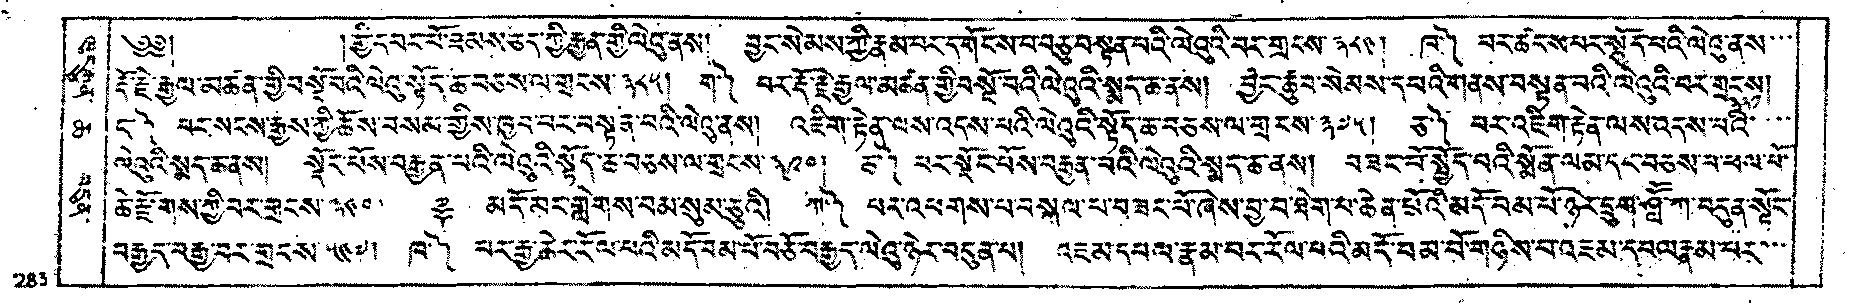༄༅། །གྱི་དབང་པོ་ཐམས་ཅད་ཀྱི་རྒྱན་གྱི་ལེའུ་ནས། བྱང་སེམས་ཀྱི་རྣམ་པར་དགོངས་པ་བཅུ་བསྟན་པའི་ལེའུའི་བར་གྲངས ༣༨༤། ཁ྄་པར་ཚངས་པར་སྤྱོད་པའི་ལེའུ་ནས་
རྡོ་རྗེ་རྒྱལ་མཚན་གྱི་བསྔོ་བའི་ལེའུ་སྟོད་ཆ་བཅས་ལ་གྲངས ༣༨༥། ག྄་བར་རྡོ་རྗེ་རྒྱལ་མཚན་གྱི་བསྔོ་བའི་ལེའུའི་སྨད་ཆ་ནས། བྱང་ཆུབ་སེམས་དཔའི་གནས་བསྟན་པའི་ལེའུའི་བར་གྲངས ༣༢༡།
ང྄་པར་སངས་རྒྱས་ཀྱི་ཆོས་བསམ་གྱིས་ཁྱབ་པར་བསྟན་པའི་ལེའུ་ནས། འཇིག་རྟེན་ལས་འདས་པའི་ལེའུའི་སྟོད་ཆ་བཅས་ལ་གྲངས ༣༧༥། ཅ྄་པར་འཇིག་རྟེན་ལས་འདས་པའི་
ལེའུའི་སྨད་ཆ་ནས། སྡོང་པོས་བརྒྱན་པའི་ལེའུའི་སྟོད་ཆ་བཅས་ལ་གྲངས ༣༩༠། ཆ྄་པར་སྡོང་པོས་བརྒྱན་པའི་ལེའུའི་སྨད་ཆ་ནས། བཟང་པོ་སྤྱོད་པའི་སྨོན་ལམ་དང་བཅས་པ་ཕལ་པོ་
ཆེ་རྫོགས་ཀྱི་བར་གྲངས ༣༤༠། ༈ མདོ་མང་གླེགས་བམ་སུམ་ཅུའི། ཀ྄་པར་འཕགས་པ་བསྐལ་པ་བཟང་པོ་ཞེས་བྱ་བ་ཐེག་པ་ཆེན་པོའི་མདོ་བམ་པོ་ཉེར་དྲུག་ཤླཽ་ཀ་བདུན་སྟོང་
བརྒྱད་བརྒྱ་བར་གྲངས ༥༤༧། ཁ྄་པར་རྒྱ་ཆེར་རོལ་པའི་མདོ་བམ་པོ་བཅོ་བརྒྱད་ལེའུ་ཉེར་བདུན་པ། འཇམ་དཔལ་རྣམ་པར་རོལ་པའི་མདོ་བམ་པོ་གཉིས་པ་འཇམ་དཔལ་རྣམ་པར་